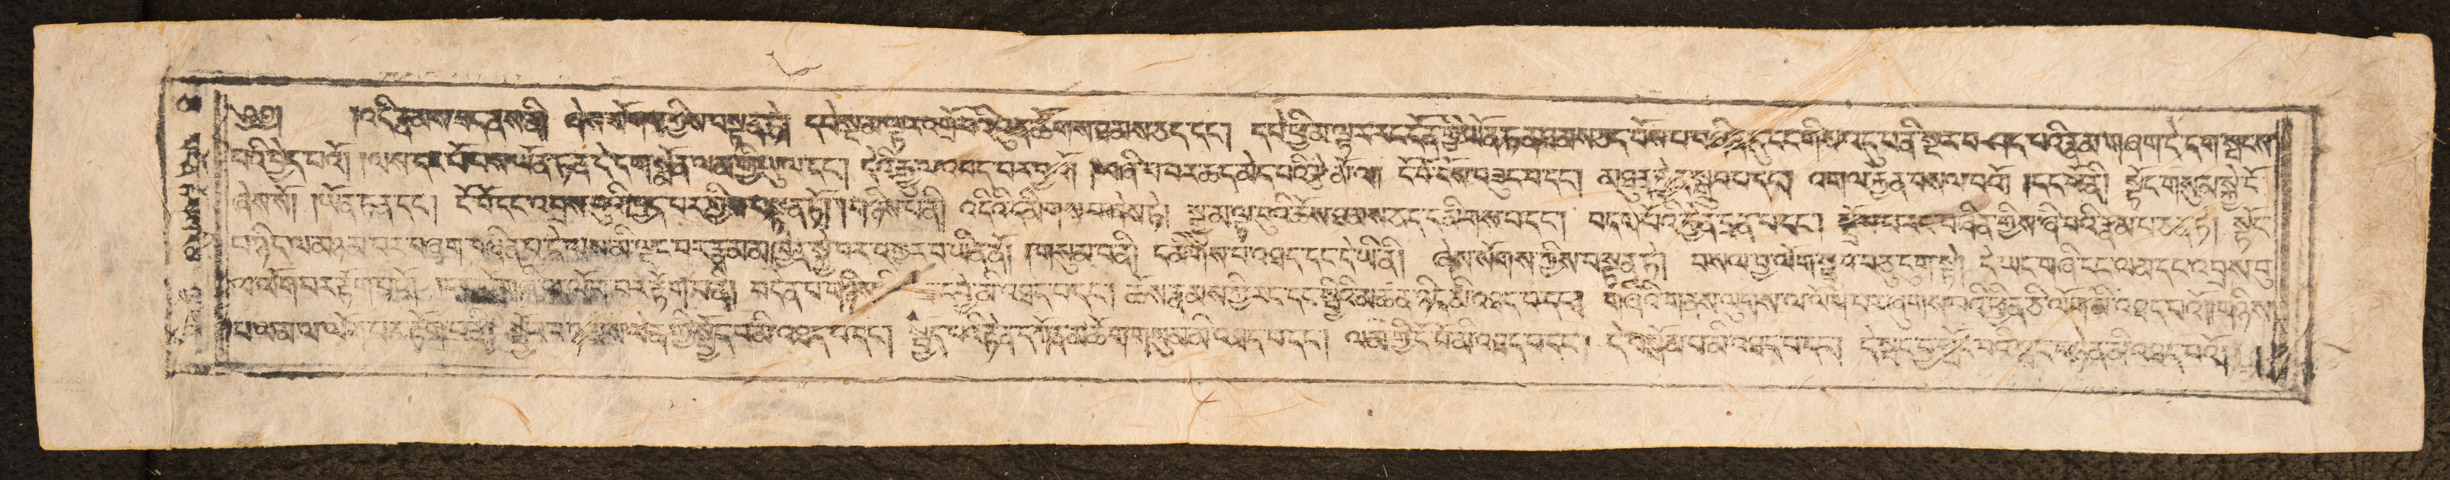༄༅། །འདི་རྣམས་ཟད་ནས་ནི། ཞེས་སོགས་ཀྱིས་བསྟན་ཏེ། དཔེ་སྔ་མ་ལྟར་འགྲོ་བའི་ཕུན་ཚོགས་ཐམས་ཅད་དང་། དཔེ་ཕྱི་མ་ལྟར་རང་དོན་གྱི་ཡོན་ཏན་ཐམས་ཅད་བོས་པ་བཞིན་དུ་ངང་གིས་འདུ་བ་ནི་སྔར་བཤད་པའི་རྣམ་གཞག་དེ་དག་སྤངས་
པའི་བྱེད་པའོ། །ལས་དང་པོ་པས་ཡོན་ཏན་དེ་དག་སྨོན་ལམ་གྱི་ཡུལ་དང་། དེའི་རྒྱུ་ལ་འབད་པར་བྱའོ། །བཞི་པ་བར་ཆད་མེད་པའི་རྩེ་མོ་ལ། ངོ་བོ་ངོས་བཟུང་བ་དང་། མཐུན་རྐྱེན་སྒྲུབ་པ་དང་། འགལ་རྐྱེན་བསལ་བའོ། །དང་པོ་ནི། སྟོང་གསུམ་སྐྱེ་དོ་
ཞེས་སོ། །ཡོན་ཏན་དང་། ངོ་བོ་དང་འབྲས་བུའི་ཁྱད་པར་གྱིས་བསྟན་ཏོ། །གཉིས་པ་ནི། འདིའི་དམིགས་པ་ཞེས་ཏེ། སྒྱུ་མ་ལྟ་བུའི་ཆོས་ཐམས་ཅད་དམིགས་པ་དང་། བདག་པོའི་རྐྱེན་དྲན་པ་དང་། སྤྲོས་པ་རང་བཞིན་གྱིས་ཞི་བའི་རྣམ་པ་ཅན་ཏེ། སྟོང་
པ་ཉིད་ལ་མཉམ་པར་བཞག་བཞིན་པ་དེ་ལས་མི་ལྡང་བར་རྣམ་མཁྱེན་སྐྱེ་བར་འགྱུར་བ་ཡིན་ནོ། །གསུམ་པ་ནི། དམིགས་པ་འཐད་དང་དེ་ཡི་ནི། ཞེས་སོགས་ཀྱིས་བསྟན་ཏེ། བསལ་བྱ་ལོག་སྒྲུབ་བཅུ་དུག་སྟེ། དེ་ཡང་གཞི་དང་ལམ་དང་འབྲས་བུ་
ལ་ལོག་པར་རྟོག་པའོ། །དང་པོ་གཞི་ལ་ལོག་པར་རྟོག་པ་ནི། བདེན་པ་གཉིས་ཀྱི་རྣམ་དབྱེ་མི་འཐད་པ་དང་། ཆོས་རྣམས་ཀྱི་རང་དང་སྤྱིའི་མཚན་ཉིད་མི་འཐད་པ་དང་། གཞིའི་གནས་ལུགས་ལ་ལོག་པར་ཞུགས་པའི་ཕྱིན་ཅི་ལོག་མི་འཐད་པའོ། །གཉིས་
པ་ལམ་ལ་ལོག་པར་རྟོག་པ་ནི། སྦྱོར་བ་ཉམས་ལེན་གྱི་སྤྱོད་པ་མི་འཐད་པ་དང་། སྤྱོད་པའི་རྟེན་དཀོན་མཆོག་གསུམ་མི་འཐད་པ་དང་། ལམ་གྱི་ངོ་བོ་མི་འཐད་པ་དང་། དེ་བསྒོམ་པ་མི་འཐད་པ་དང་། དེ་སྤང་བྱ་སྤོང་བའི་སྤང་གཉེན་མི་འཐད་པའོ། །